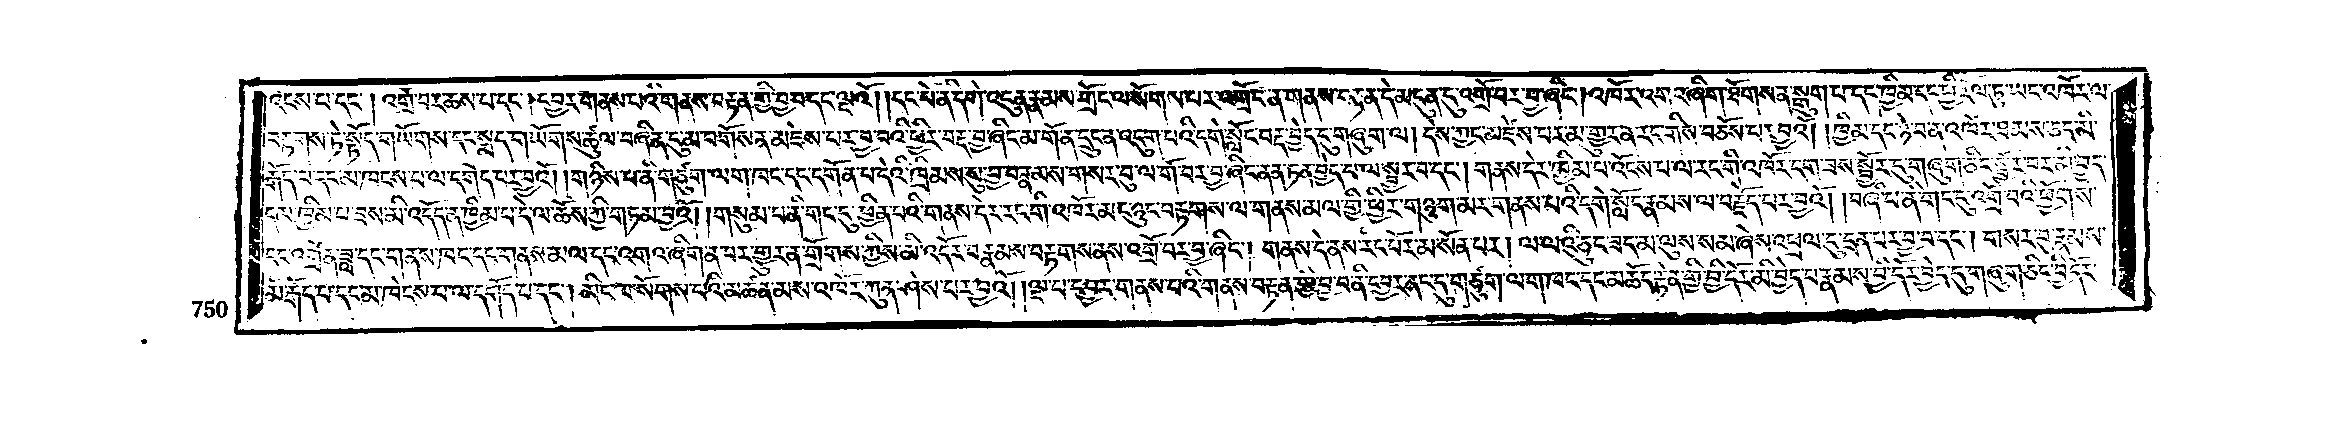འོངས་པ་དང་། འགྲོ་བར་ཆས་པ་དང་། དབྱར་གནས་པའི་གནས་བརྟན་གྱི་བྱ་བ་དང་ལྔའོ། །དང་པོ་ནི་དགེ་འདུན་རྣམས་གྲོང་ལ་སོགས་པར་འགྲོང་?་ན་གནས་བརྟན་དེ་མདུན་དུ་འགྲོ་བར་བྱ་ཞིང་། འཁོར་འགའ་ཞིག་ཐོགས་ན་སྒུག་པ་དང་ཁྱིམ་དང་ཕྱི་རོལ་ཏུ་ཡང་འཁོར་ལ་
བརྟགས་ཏེ་སྟོད་གཡོགས་དང་སྨད་གཡོགས་ཚུལ་བཞིན་དུ་མ་བགོས་ན་མཛེས་པར་བྱ་བའི་ཕྱིར་བརྡ་བྱ་ཞིང་མ་གོ་ན་དྲུང་ན་འདུག་པའི་དགེ་སློང་བརྡ་བྱེད་དུ་གཞུག་ལ། དེས་ཀྱང་མཛེས་པར་མ་གྱུར་ན་རང་གིས་བཅོས་པར་བྱའོ། །ཁྱིམ་དང་ཉེ་བ་ན་འཁོར་ཐམས་ཅད་མི་
རྒོད་པ་དང་མ་ཁངས་པ་ལ་དགོད་པར་བྱའོ། །གཉིས་པ་ནི་གཙུག་ལག་ཁང་དང་དགོན་པ་དེའི་ཁྲིམས་སུ་བྱ་བ་རྣམས་གསར་བུ་ལ་གོ་བར་བྱ་ཞིང་ནན་ཏན་བྱེད་པ་ལ་སྦྱར་བ་དང་། གནས་དེར་ཁྱིམ་པ་འོངས་པ་ལ་རང་གི་འཁོར་དག་ཟས་སྦྱོར་དུ་གཞུག་ཅིང་སྦྱོར་བར་མི་བྱེད་
དམ་ཁྱིམ་པ་ཟས་མི་འདོད་ན་ཁྱིམ་པ་དེ་ལ་ཆོས་ཀྱི་གཏམ་བྱའོ། །གསུམ་པ་ནི་གང་དུ་ཕྱིན་པའི་གནས་དེར་རང་གི་འཁོར་མང་ཉུང་བརྟགས་ལ་གནས་མལ་གྱི་ཕྱིར་གཉུག་མར་གནས་པའི་དགེ་སློང་རྣམས་ལ་བརྗོད་པར་བྱའོ། །བཞི་པ་ནི་གང་དུ་འགྲོ་བའི་ཕྱོགས་
དང་འགྲོན་ཟླ་དང་གནས་ཁང་དང་གནས་མལ་དང་འགའ་ཞིག་ན་བར་གྱུར་ན་གྲོགས་ཀྱིས་མི་འདོར་བ་རྣམས་བརྟགས་ནས་འགྲོ་བར་བྱ་ཞིང་། གནས་དེ་ནས་རིང་པོར་མ་སོན་པར། ལ་ལའི་ཅུང་ཟད་མ་ལུས་སམ་ཞེས་འཕྲལ་དུ་དྲན་པར་བྱ་བ་དང་། གསར་བུ་རྣམས་
མི་རྒོད་པ་དང་མ་ཁེངས་པ་ལ་དགོད་པ་དང་། མིང་ལ་སོགས་པའི་མཚན་མས་འཁོར་ཀུན་ཤེས་པར་བྱའོ། །ལྔ་པ་དབྱར་གནས་པའི་གནས་བརྟན་གྱི་བྱ་བ་ནི་དབྱར་ནང་དུ་གཙུག་ལག་ཁང་དང་མཆོད་རྟེན་གྱི་བྱི་དོར་མི་བྱེད་པ་རྣམས་བྱི་དོར་བྱེད་དུ་གཞུག་ཅིང་བྱི་དོར་